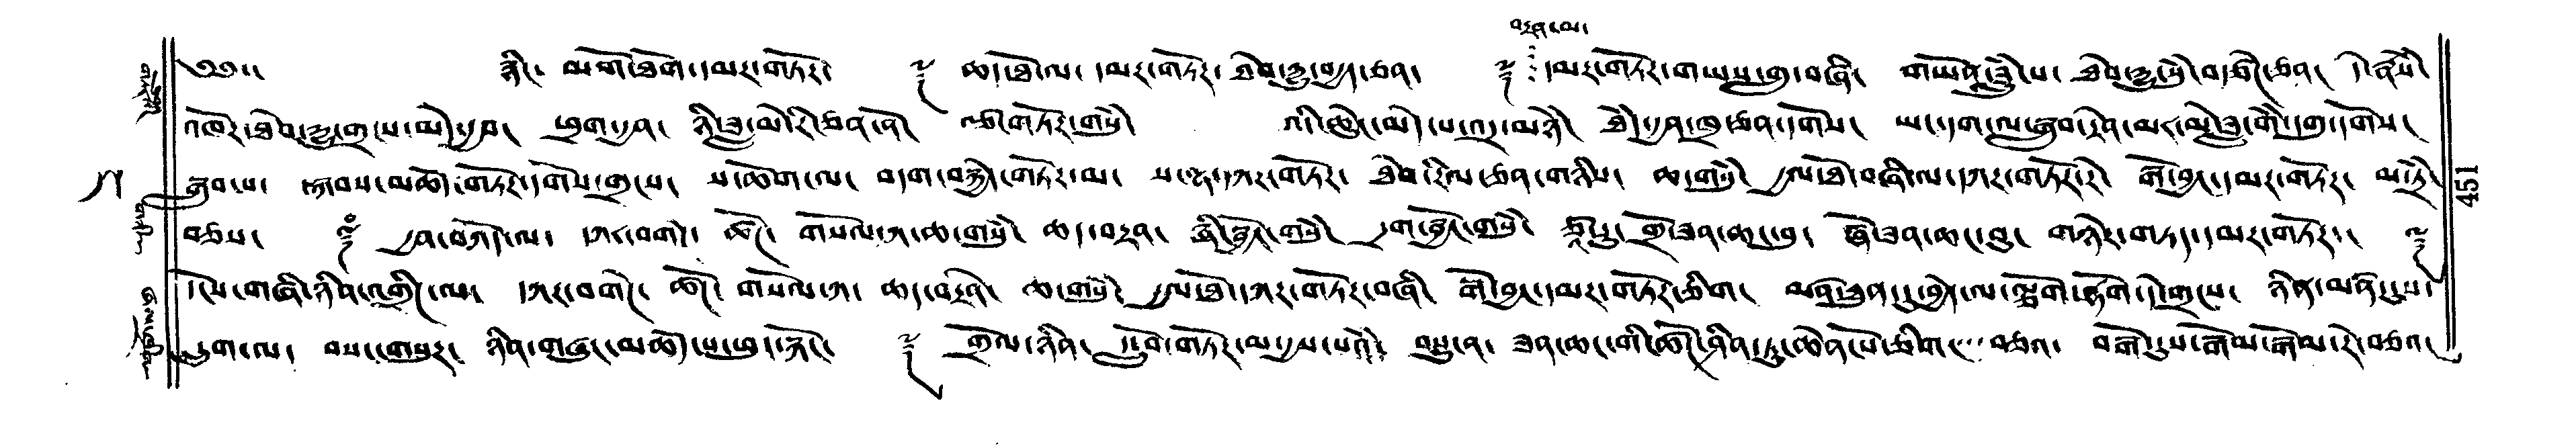སྙིང་། མགོ་ཐོག་དམར་གཏོར། ༈ ཆད་ཐོ་ལ་དམར་གཏོར་མཐེབ་སྐྱུ་བརྒྱད་ཅན། ༈ བརྟན་མ་དམར་གཏོར་གཡས་གྲུ་བཞི། གཡོན་ཟླུམ་པ་མཐེབ་སྐྱུ་སུམ་བརྩེགས་ཅན། དེ་རྣམས་
འཁོར་མཐེབ་སྐྱུ་གྲངས་མེད་རྒྱབ། ཕྲག་རྒྱན། ཉི་ཟླ་མེ་རི་ཅན་ནོ། ༈ རྩ་གཏོར་གསུམ། འདི་ཆེ་ཆུང་མེད་པ་འདྲ་མཉམ། ཐམས་ཅད་རྒྱན་ཁྲ་ཅན་དགོས། ཡང་དག་ལ་སྒྲུབ་རྟེན་མར་མེ་ཟླ་གམ་དགུ་དགོས། 
སྒྲུབ་པ་སྐབས་མཆོད་གཏོར་དགོས་གྲངས། ས་ཆོག་ལ། བདག་བསྐྱེད་གཏོར་མ། ས་ལྷ་དཀར་གཏོར་མཐེབ་རིལ་ཅན་གཉིས། ཆ་གསུམ། རྒྱལ་ཐོ་བཞི་ལ་དཀར་གཏོར་རེ། སྒོ་བྱང་དམར་གཏོར། མ་ཏྲཾ་
བཅས། ༈ རྒྱན་བཀོད་ལ། དཀར་བགེགས། ཚོགས་གསོལ་ཀ་ཆ་གསུམ། ཆད་བརྟན། ཞི་སྦྱོང་གསུམ། དྲག་སྦྱོང་གསུམ། ཙཱ་རུ་གྲོ་ཟན་ཆང་བུ། ཞོ་ཟན་ཆང་བུ། གཉེར་གཏད་དམར་གཏོར། ༈ 
དངོས་གཞི་ཉིན་འགྲིགས་ལ། དཀར་བགེགས། ཚོགས་གསོལ་ཀ་ཆད་བརྟན། ཆ་གསུམ། རྒྱལ་ཐོ་དཀར་གཏོར་བཞི། སྒོ་བྱང་དམར་གཏོར་གཅིག མཚན་ཐུན་དུ་བྱེད་ལ་ལྕོག་རྡོག་དེ་གྲངས། ཉིན་མཚན་དུས་
དྲུག་ལ། བསང་གསུར། ཉིན་གཞུང་མཆོད་པ་ཕུད་སྐོང་། ༈ གྲོལ་ཉིན། དངོས་གྲུབ་གཏོར་མ་རྒྱས་པའམ། བསྡུ་ན། ཟན་ཆང་གི་ཚོགས་ཤིན་ཏུ་ཆེན་པོ་གཅིག་བཅའ། ( བསྒོ་དུས་སྒོམ་སྒོམ་རེ་བཅའ།